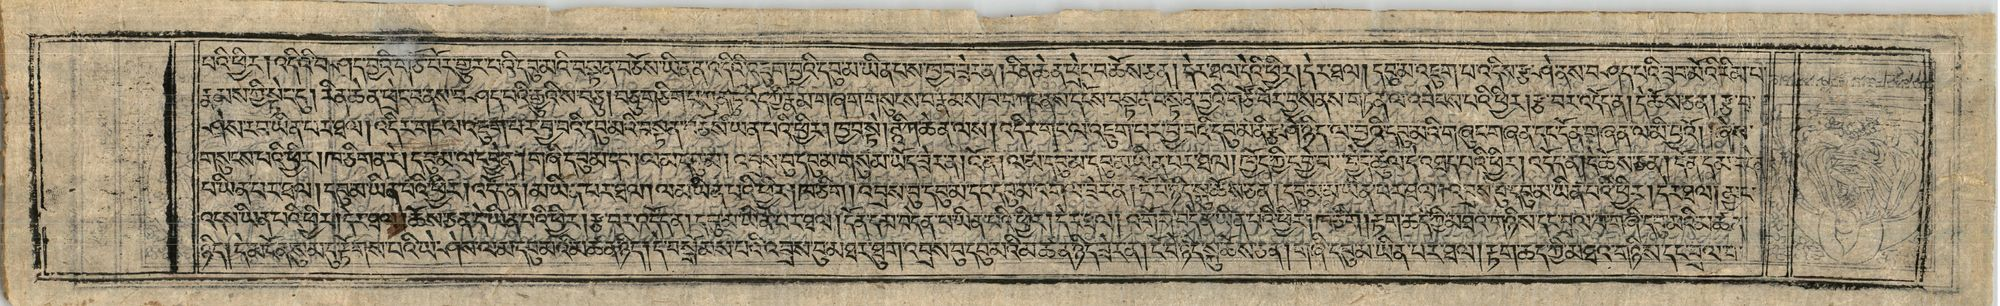པའི་ཕྱིར། འདིའི་བཤད་བྱའི་གཙོ་བོར་གྱུར་པའི་དབུ་མའི་བསྟན་བཅོས་ཡིན་ན་འདིའི་འཇུག་བྱའི་དབུ་མ་ཡིན་པས་ཁྱབ་ཟེར་ན། རིན་ཆེན་ཕྲེང་བ་ཆོས་ཅན། དེར་ཐལ་དེའི་ཕྱིར། དེར་ཐལ། དབུ་མ་འཇུག་པ་འདིས་རྩ་ཤེ་ནས་བཤད་པའི་ཟབ་མོའི་རིམ་པ་
རྣམས་ཀྱི་སྟེང་དུ། རིན་ཆེན་ཕྲེང་བ་ནས་བཤད་པའི་རྒྱུའི་ས་བཅུ། བཅུ་གཅིག་པ་ཀུན་ཏུ་འོད་ཀྱི་རྣམ་གཞག་གསུངས་པ་རྣམས་ཁ་བཀང་ནས་དངོས་བསྟན་བསྟན་བྱའི་གཙོ་བོར་བྱས་ནས་གཏན་ལ་འབེབས་པའི་ཕྱིར། རྩ་བར་འདོད་ན། དེ་ཆོས་ཅན། རྩ་བ་
ཤེས་རབ་ཡིན་པར་ཐལ། འདིར་གང་ལ་འཇུག་པར་བྱ་བའི་དབུ་མའི་བསྟན་བཅོས་ཡིན་པའི་ཕྱིར། ཁྱབ་སྟེ། ཊཱིཀ་ཆེན་ལས། འདིར་གང་ལ་འཇུག་པར་བྱ་བའི་དབུ་མ་ནི་རྩ་ཤེ་ཉིད་ལ་བྱའི་དབུ་མའི་གཞུང་གཞན་དང་དོན་གཞན་ལ་མི་བྱའོ། །ཞེས་
གསུངས་པའི་ཕྱིར། ཁ་ཅིག་ན་རེ། དབུ་མ་ལ་དབྱེ་ན། གཞི་དབུ་མ་དང་། ལམ་དབུ་མ། འབྲས་བུ་དབུ་མ་གསུམ་ཡོད་ཟེར་ན། འོ་ན། ལམ་དབུ་མ་དབུ་མ་ཡིན་པར་ཐལ། ཁྱོད་ཀྱི་དབྱེ་བ་བྱེད་ཚུལ་དེ་འཐད་པའི་ཕྱིར། འདོད་ན། དེ་ཆོས་ཅན། དོན་དམ་བདེན་
པ་ཡིན་པར་ཐལ། དབུ་མ་ཡིན་པའི་ཕྱིར། འདོད་ན། མ་ཡིན་པར་ཐལ། ལམ་ཡིན་པའི་ཕྱིར། ཁ་ཅིག །འབྲས་བུ་དབུ་མ་དང་དབུ་མ་འགལ་ཟེར་ན། ངོ་བོ་ཉིད་སྐུ་ཆོས་ཅན། དབུ་མ་མ་ཡིན་པར་ཐལ། འབྲས་བུ་དབུ་མ་ཡིན་པའི་ཕྱིར། དེར་ཐལ། མྱང་
འདས་ཡིན་པའི་ཕྱིར། དེར་ཐལ། ཆོས་ཅན་དེ་ཡིན་པའི་ཕྱིར། རྩ་བར་འདོད་ན། དབུ་མ་ཡིན་པར་ཐལ། དོན་དམ་བདེན་པ་ཡིན་པའི་ཕྱིར། དེར་ཐལ། འགོག་བདེན་ཡིན་པའི་ཕྱིར། ཁ་ཅིག །རྟག་ཆད་ཀྱི་མཐའ་གཉིས་དང་བྲལ་བ་གཞི་དབུ་མའི་མཚན་
ཉིད། དེ་མངོན་སུམ་དུ་རྟོགས་པའི་ཡེ་ཤེས་ལམ་དབུ་མའི་མཚན་ཉིད། དེ་བསྒོམས་པའི་འབྲས་བུ་མཐར་ཐུག་འབྲས་བུ་དབུ་མའི་མཚན་ཉིད་ཟེར་ན། ངོ་བོ་ཉིད་སྐུ་ཆོས་ཅན། གཞི་དབུ་མ་ཡིན་པར་ཐལ། རྟག་ཆད་ཀྱི་མཐའ་གཉིས་དང་བྲལ་བ་